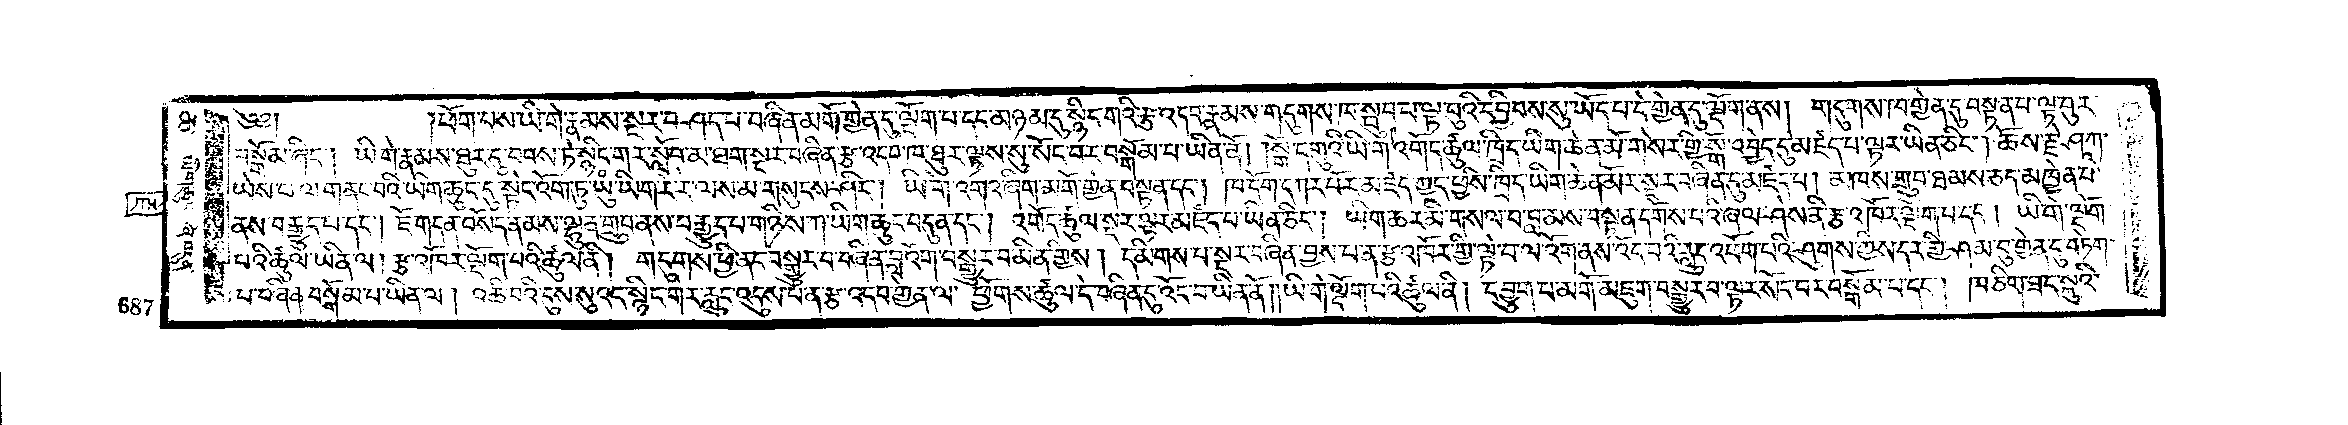༄༅། །ཕོག་པས་ཡི་གེ་རྣམས་སྔར་བཤད་པ་བཞིན་མགོ་གྱེན་དུ་ལྡོག་པ་དང་མཉམ་དུ་སྙིང་གའི་རྩ་འདབ་རྣམས་གདུགས་ཁ་སྤུབ་པ་ལྟ་བུའི་དབྱིབས་སུ་ཡོད་པ་དེ་གྱེན་དུ་ལྡོག་ནས། གདུགས་ཁ་གྱེན་དུ་བསྟན་པ་ལྟ་བུར་
བསྒོམ་ཞིང་། ཡི་གེ་རྣམས་ཐུར་དུ་བབས་ཏེ་སྙིང་གར་སླེབ་མ་ཐག་སྔར་བཞིན་རྩ་འདབ་ཁ་ཐུར་ལྟས་སུ་སོང་བར་བསྒོམ་པ་ཡིན་ནོ། །སྒོ་དགུའི་ཡི་གེ་འགོད་ཚུལ་ཁྲིད་ཡིག་ཆེན་མོ་གསེར་གྱི་སྒོ་འབྱེད་དུ་མཛད་པ་ལྟར་ཡིན་ཅིང་། ཆོས་རྗེ་ཤཱཀ་
ཡེས་པ་ལ་གནང་བའི་ཡིག་ཆུང་དུ་སྟེང་འོག་ཏུ་ཡུཾ་ཡིག་རེ་རེ་ལས་མ་གསུངས་ཤིང་། ཡི་གེ་འགའ་ཞིག་མགོ་གྱེན་བསྟན་དང་། ཁ་དོག་དཀར་པོར་མཛད་ཀྱང་ཕྱིས་ཁྲིད་ཡིག་ཆེན་མོར་སྔར་བཞིན་དུ་མཛད་པ། མཁས་གྲུབ་ཐམས་ཅད་མཁྱེན་པ་
ནས་བརྒྱུད་པ་དང་། ཇི་གདན་བསོད་ནམས་ལྷུན་གྲུབ་ནས་བརྒྱུད་པ་གཉིས་ཀ་ཡིག་ཆུང་བདུན་དང་། འགོད་ཚུལ་སྔར་ལྟར་མཛད་པ་ཡིན་ཅིང་། ཡིག་ཆར་མི་གསལ་བ་བླ་མས་བསྟན་དགོས་པའི་ཞལ་ཤེས་ནི་རྩ་འཁོར་ལྡོག་པ་དང་། ཡི་གེ་ལྡོག་
པའི་ཚུལ་ཡིན་ལ། རྩ་འཁོར་ལྡོག་པའི་ཚུལ་ནི། གདུགས་ཕྱི་ནང་བསྒྱུར་བ་བཞིན་བླ་འོག་བསྒྱུར་བ་མིན་གྱིས། དམིགས་པ་སྔར་བཞིན་བྱས་པ་ན་རྩ་འཁོར་གྱི་ལྟེ་བ་ལ་འོག་ནས་འོང་བའི་རླུང་འཕོག་པའི་ཤུགས་ཀྱིས་དར་གྱི་ཤམ་བུ་གྱེན་དུ་བཏེག་
པ་བཞིན་བསྒོམ་པ་ཡིན་ལ། འཆི་བའི་དུས་སུའང་སྙིང་གར་རླུང་འདུས་པ་ན་རྩ་འདབ་གྱེན་ལ་ཕྱོགས་ཚུལ་དེ་བཞིན་དུ་འོང་བ་ཡིན་ནོ། །ཡི་གེ་ལྡོག་པའི་ཚུལ་ནི། དབྱུག་པ་མགོ་མཇུག་བསྒྱུར་བ་ལྟར་སོང་བར་བསྒོམ་པ་དང་། ཁ་ཅིག་ཐང་སྐུའི་